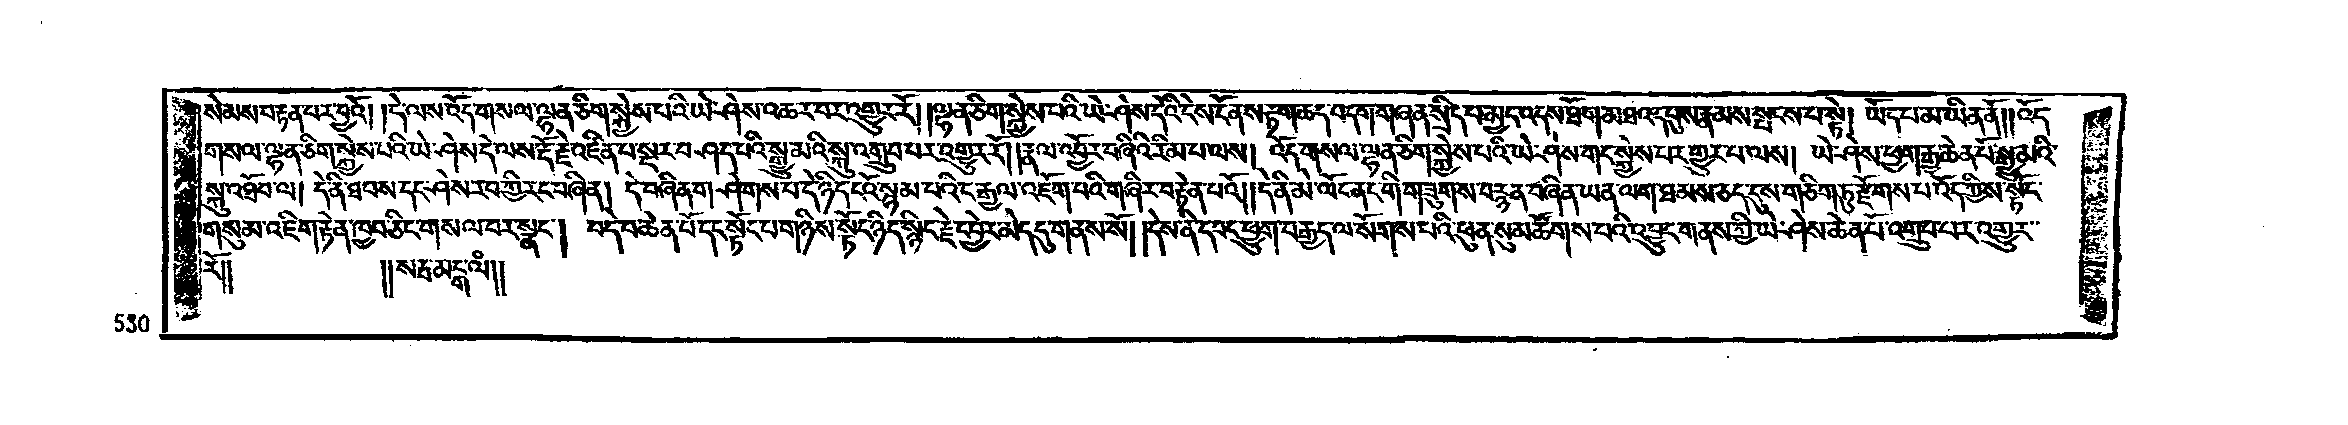སེམས་བརྟན་པར་བྱའོ། །དེ་ལས་འོད་གསལ་ལྷན་ཅིག་སྐྱེས་པའི་ཡེ་ཤེས་འཆར་བར་འགྱུར་རོ། །ལྷན་ཅིག་སྐྱེས་པའི་ཡེ་ཤེས་དེའི་ངེས་ངོ་ནས་རྟག་ཆད་བདག་གཞན་སྲིད་པ་མྱང་འདས་ཐོག་མཐའ་དཔུས་རྣམས་སྤངས་པ་སྟེ། ཡོད་པ་མ་ཡིན་ནོ། །འོད་
གསལ་ལྷན་ཅིག་སྐྱེས་པའི་ཡེ་ཤེས་དེ་ལས་རྡོ་རྗེ་འཛིན་པ་སྔར་བཤད་པའི་སྒྱུ་མའི་སྐུ་འགྲུབ་པར་འགྱུར་རོ། །རྣལ་འབྱོར་བཞིའི་རིམ་པ་ལས། འོད་གསལ་ལྷན་ཅིག་སྐྱེས་པའི་ཡེ་ཤེས་གང་སྐྱེས་པར་གྱུར་པ་ལས། ཡེ་ཤེས་ཕྱག་རྒྱ་ཆེན་པོ་སྒྱུ་མའི་
སྐུ་འཐོབ་ལ། དེ་ནི་ཐབས་དང་ཤེས་རབ་ཀྱི་རང་བཞིན། དེ་བཞིན་གཤེགས་པ་དེ་ཉིད་ངའོ་སྙམ་པའི་ང་རྒྱལ་འཇོག་པའི་གཞིར་བརྟེན་པའོ། །དེ་ནི་མེ་ལོང་ནང་གི་གཟུགས་བརྙན་བཞིན་ཡན་ལག་ཐམས་ཅད་དུས་གཅིག་ཏུ་རྫོགས་པ་འོད་ཀྱིས་སྟོང་
གསུམ་འཇིག་རྟེན་ཁྱབ་ཅིང་གསལ་བར་སྣང་། བདེ་བ་ཆེན་པོ་དང་སྟོང་པ་གཉིས་སྟོང་ཉིད་སྙིང་རྗེ་དབྱེར་མེད་དུ་གནས་སོ། །དེས་ནི་དབང་ཕྱུག་བརྒྱད་ལ་སོགས་པའི་ཕུན་སུམ་ཚོགས་པའི་འབྱུང་གནས་ཀྱི་ཡེ་ཤེས་ཆེན་པོ་འགྲུབ་པར་འགྱུར་
རོ།། །།སརྦ་མངྒ་ལཾ།།